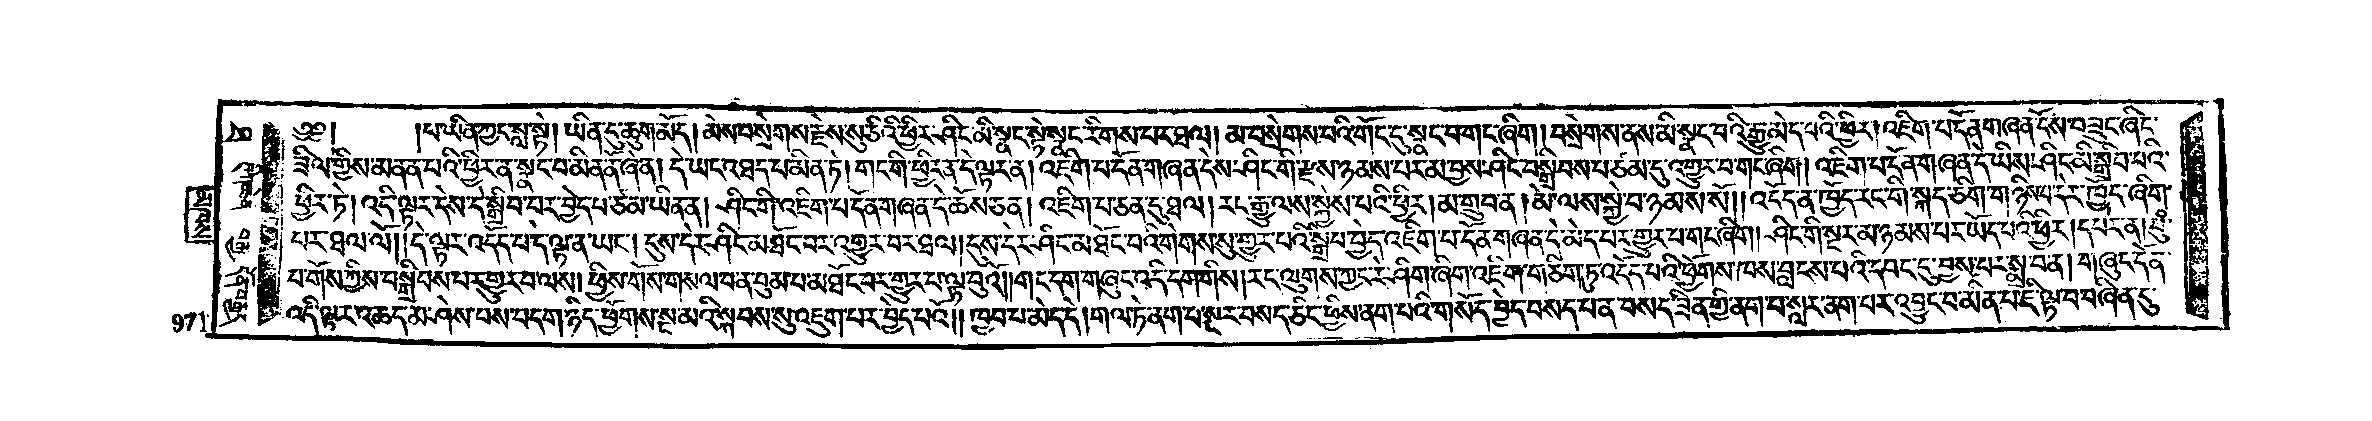༄༅། །པ་ཡིན་ཀྱང་སླ་སྟེ། ཡིན་དུ་ཆུག་མོད། མེས་བསྲེགས་རྗེས་སུ་ཅིའི་ཕྱིར་ཤིང་མི་སྣང་སྟེ་སྣང་རིགས་པར་ཐལ། མ་བསྲེགས་པའི་གོང་དུ་སྣང་བ་གང་ཞིག །བསྲེགས་ནས་མི་སྣང་བའི་རྒྱུ་མེད་པའི་ཕྱིར། འཇིག་པ་དོན་གཞན་ངོས་བཟུང་ཞིང་
ཟིལ་གྱིས་མནན་པའི་ཕྱིར་ན་སྣང་བ་མིན་ནོ་ཞེ་ན། དེ་ཡང་འཐད་པ་མིན་ཏེ། གང་གི་ཕྱིར་ན་དེ་ལྟར་ན། འཇིག་པ་དོན་གཞན་དེས་ཤིང་གི་རྫས་ཉམས་པར་མ་བྱས་ཤིང་བསྒྲིབས་པ་ཙམ་དུ་འགྱུར་བ་གང་ཞིག །འཇིག་པ་དོན་གཞན་དེ་ཡིས་ཤིང་མི་སྒྲིབ་པའི་
ཕྱིར་ཏེ། འདི་ལྟར་དེས་དེ་སྒྲིབ་པར་བྱེད་པ་ཙམ་ཡིན་ན། ཤིང་གི་འཇིག་པ་དོན་གཞན་དེ་ཆོས་ཅན། འཇིག་པ་ཅན་དུ་ཐལ། རང་རྒྱུ་ལས་སྐྱེས་པའི་ཕྱིར། མ་གྲུབ་ན། མེ་ལས་སྐྱེ་བ་ཉམས་སོ། །འདོད་ན་ཁྱོད་རང་གི་སྐད་ཅིག་གཉིས་པ་དེར་ཁྱོད་ཞིག་
པར་ཐལ་ལོ། །དེ་ལྟར་འདོད་པ་དེ་ལྟ་ན་ཡང་། དུས་དེར་ཤིང་མཐོང་བར་འགྱུར་བར་ཐལ། དུས་དེར་ཤིང་མཐོང་བའི་གེགས་སུ་གྱུར་པའི་སྒྲིབ་བྱེད་འཇིག་པ་དོན་གཞན་དེ་མེད་པར་གྱུར་པ་གང་ཞིག །ཤིང་གི་སྔར་མ་ཉམས་པར་ཡོད་པའི་ཕྱིར། དཔེར་ན། བུམ་
པ་གོས་ཀྱིས་བསྒྲིབས་པར་གྱུར་བ་ལས། ཕྱིས་གོས་གསལ་བ་ན་བུམ་པ་མཐོང་བར་གྱུར་པ་ལྟ་བུའོ། །གང་དག་གཞུང་འདི་དག་གིས། རང་ལུགས་ཀྱང་རེ་ཤིག་ཞིག་འཇིག་གཅིག་ཏུ་འདོད་པའི་ཕྱོགས་ཁས་བླངས་པའི་དབང་དུ་བྱས་པར་སྨྲ་བ་ན། གཞུང་དོན་
འདི་ལྟར་འཆད་མ་ཤེས་པས་བདག་ཉིད་ཕྱོགས་སྔ་མའི་སྐབས་སུ་འཇུག་པར་བྱེད་པའོ། །ཁྱབ་པ་མེད་དེ། གལ་ཏེ་ནག་པ་སྔར་བསད་ཅིང་ཕྱིས་ནག་པའི་གསོད་བྱེད་བསད་པ་ན་བསད་ཟིན་གྱི་ནག་པ་སླར་ནག་པར་འབྱུང་བ་མིན་པ་ཇི་ལྟ་བ་བཞིན་དུ་